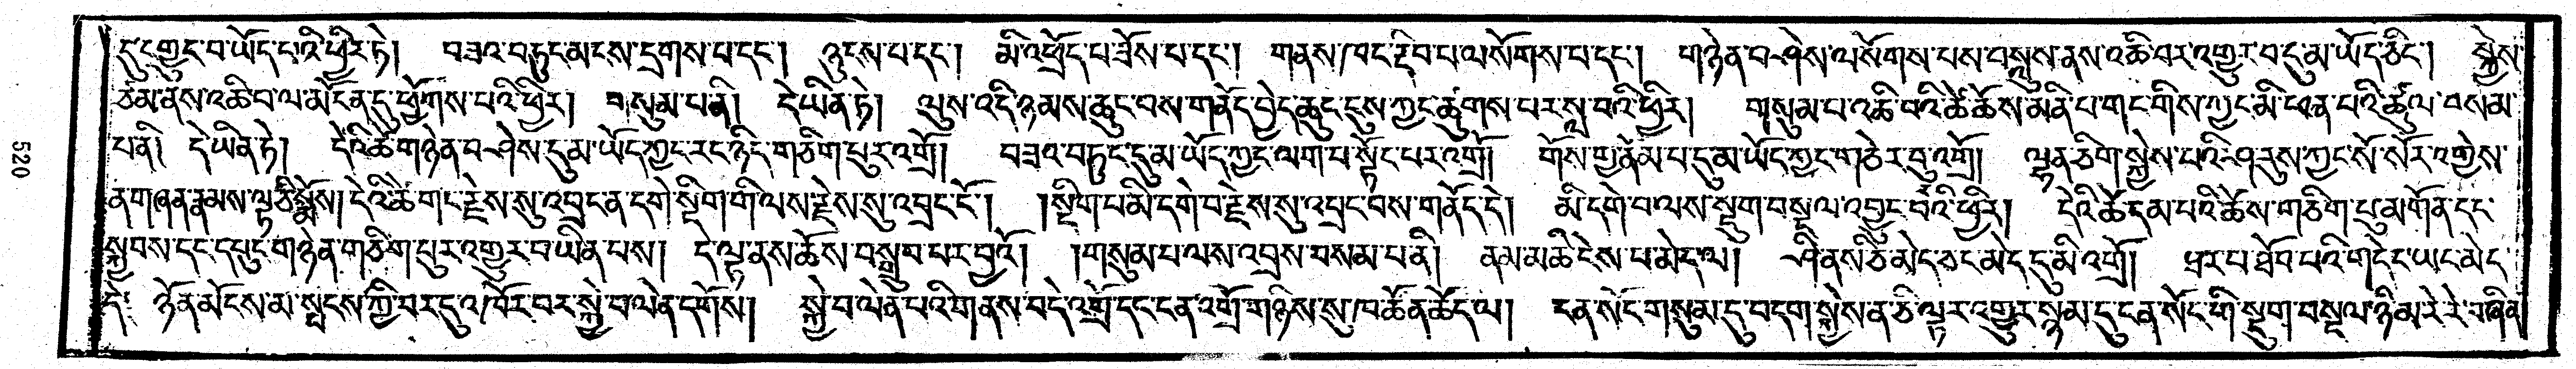དུ་དགྱུང་བ་ཡོད་པའི་ཕྱིར་ཏེ། བཟའ་བཏུང་མངས་དྲགས་པ་དང་། ཉུང་པ་དང་། མི་འཕྲོད་པ་ཟོས་པ་དང་། གནས་ཁང་རྡིབ་པ་ལ་སོགས་པ་དང་། གཉེན་བཤེས་ལ་སོགས་པས་བསླུས་ནས་འཆི་བར་འགྱུར་བ་དུ་མ་ཡོད་ཅིང་། སྐྱེས་
ཙམ་ནས་འཆི་བ་ལ་མངོན་དུ་ཕྱོགས་པའི་ཕྱིར། གསུམ་པ་ནི། དེ་ཡིན་ཏེ། ལུས་འདི་ཉམས་ཆུང་བས་གནོད་བྱེད་ཆུང་དུས་ཀྱང་ཚུགས་པར་སླ་བའི་ཕྱིར། གསུམ་པ་འཆི་བའི་ཚེ་ཆོས་མིན་པ་གང་གིས་ཀྱང་མི་ཕན་པའི་ཚུལ་བསམ་
པ་ནི༑ དེ་ཡིན་ཏེ། དེའི་ཚེ་གཉེན་བཤེས་དུ་མ་ཡོད་ཀྱང་རང་ཉིད་གཅིག་པུར་འགྲོ། བཟའ་བཏུང་དུ་མ་ཡོད་ཀྱང་ལག་པ་སྟོང་པར་འགྲོ། གོས་གྱ་ནོམ་པ་དུ་མ་ཡོང་ཀྱང་གཅེར་བུ་འགྲོ། ལྷན་ཅིག་སྐྱེས་པའི་ཤ་རུས་ཀྱང་སོ་སོར་འགྱེས་
ན་གཞན་རྣམས་ལྟ་ཅི་སྨོས། དེའི་ཚེ་གང་རྗེས་སུ་འབྲང་ན་དགེ་སྡིག་གི་ལས་རྗེས་སུ་འབྲང་ངོ། །སྡིག་པ་མི་དགེ་བ་རྗེས་སུ་འབྲང་བས་གནོད་དེ། མི་དགེ་བ་ལས་སྡུག་བསྔལ་འབྱུང་བའི་ཕྱིར། དེའི་ཚེ་དམ་པའི་ཆོས་གཅིག་པུ་མགོན་དང་
སྐྱབས་དང་དཔུང་གཉེན་གཅིག་པུར་འགྱུར་བ་ཡིན་པས། དེ་ལྟ་ནས་ཆོས་བསྒྲུབ་པར་བྱའོ། །གསུམ་པ་ལས་འབྲས་བསམ་པ་ནི། ནམ་འཆི་ངེས་པ་མེད་ལ། ཤི་ནས་ཅི་མེད་ཅང་མེད་དུ་མི་འགྲོ། ཐར་པ་ཐོབ་པའི་གདེང་ཡང་མེད་
དེ༑ ཉོན་མོངས་མ་སྤངས་ཀྱི་བར་དུ་འཁོར་བར་སྐྱེ་བ་ལེན་དགོས། སྐྱེ་བ་ལེན་པའི་གནས་བདེ་འགྲོ་དང་ངན་འགྲོ་གཉིས་སུ་ཁ་ཚོན་ཆོད་ལ། ངན་སོང་གསུམ་དུ་བདག་སྐྱེས་ན་ཅི་ལྟར་འགྱུར་སྙམ་དུ་ངན་སོང་གི་སྡུག་བསྔལ་ཉི་མ་རེ་རེ་བཞིན་